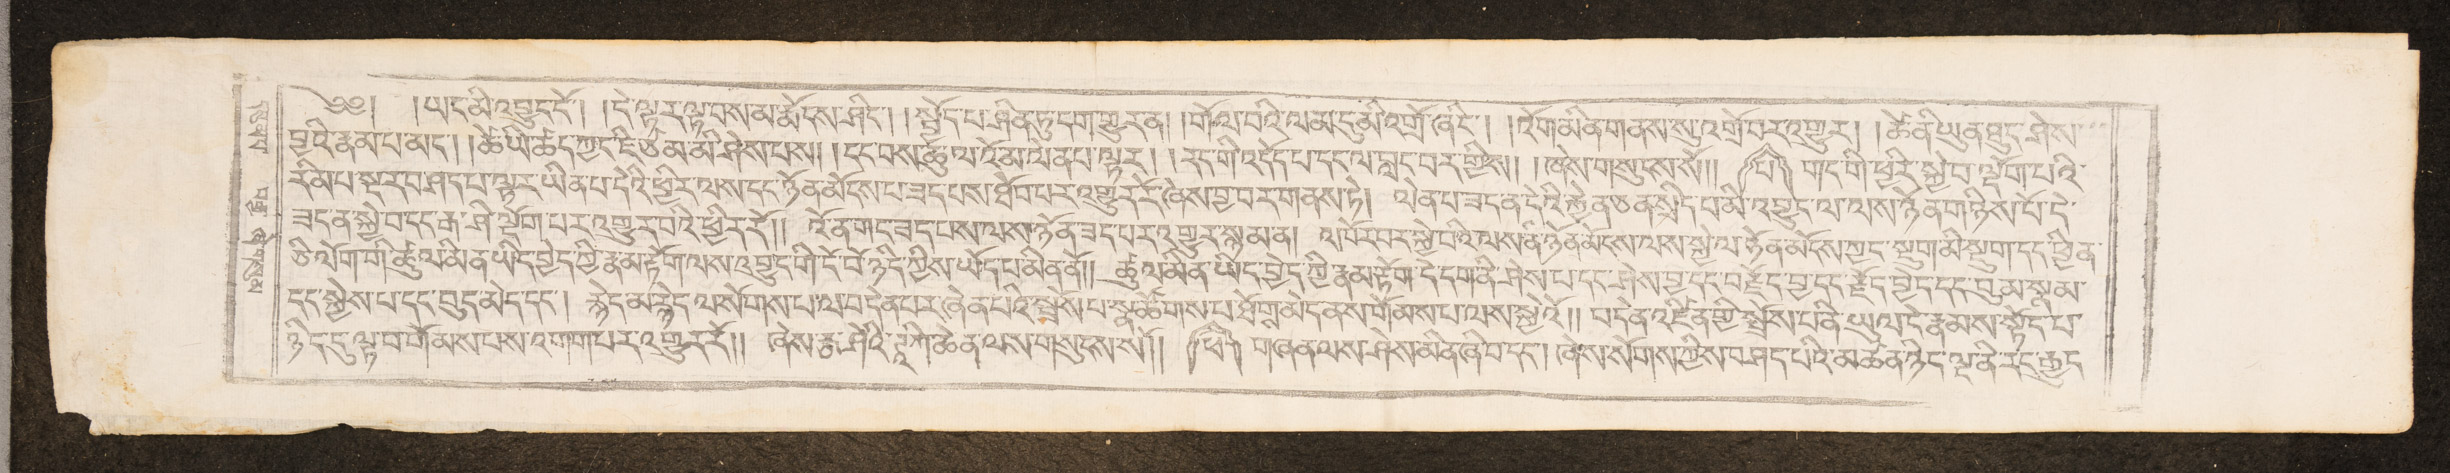༄༅། །ཡང་མི་བྱུང་ངོ། །དེ་ལྟར་ལྟ་བས་མ་རྨོངས་ཤིང་། །སྤྱོད་པ་ཤིན་ཏུ་དག་གྱུར་ན། །གོལ་བའི་ལམ་དུ་མི་གྲོ་ཞིང་། །འོག་མིན་གནས་སུ་འགྲོ་བར་འགྱུར། །ཚེ་ནི་ཡུན་ཐུང་ཤེས་
བྱའི་རྣམ་པ་མང་། །ཚེ་ཡི་ཚད་ཀྱང་ཇི་ཙམ་མི་ཤེས་པས། །དང་བས་ཆུ་ལ་འོ་མ་ལེན་པ་ལྟར། །རང་གི་འདོད་པ་དང་ལ་བླང་བར་གྱིས། །ཞེས་གསུངས་སོ།། ༼༽པ༼༽ གང་གི་ཕྱིར་སྐྱེ་བ་ལྡོག་པའི་
རིམ་པ་སྔར་བཤད་པ་ལྟར་ཡིན་པ་དེའི་ཕྱིར་ལས་དང་ཉོན་མོངས་པ་ཟད་པས་ཐོབ་པར་འགྱུར་རོ་ཞེས་བྱ་བར་གནས་ཏེ། ལེན་པ་ཟད་ན་དེའི་རྐྱེན་ཅན་སྲིད་པ་མི་འབྱུང་ལ་ལས་ཉོན་གཉིས་པོ་དེ་
ཟད་ན་སྐྱེ་བ་དང་རྒ་ཤི་ལྡོག་པར་འགྱུར་བའི་ཕྱིར་རོ། །འོ་ན་གང་ཟད་པས་ལས་ཉོན་ཟད་པར་འགྱུར་སྙམ་ན། འཁོར་བར་སྐྱེ་བའི་ལས་ནི་ཉོན་མོངས་ལས་སྐྱེ་ལ་ཉོན་མོངས་ཀྱང་སྡུག་མི་སྡུག་དང་ཕྱིན་
ཅི་ལོག་གི་ཚུལ་མིན་ཡིད་བྱེད་ཀྱི་རྣམ་རྟོག་ལས་འབྱུང་གི་ངོ་བོ་ཉིད་ཀྱིས་ཡོད་ཨོཨ་མིན་ནོ།། ཚུལ་མིན་ཡིད་བྱེད་ཀྱི་རྣམ་རྟོག་དེ་དག་ནི་ཤེས་པ་དང་ཤེས་བྱ་དང་བརྗོད་བྱེད་དང་བརྗོད་བྱེད་དང་བུམ་སྣམ་
དང་སྐྱེས་པ་དང་བུད་མེད་དང་། རྙེད་མ་རྙེད་ལ་སོགས་པ་ལ་བདེན་པར་ཞེན་པའི་སྤྲོས་པ་སྣ་ཚོགས་པ་ཐོག་མེད་ནས་གོམས་པ་ལས་སྐྱེའོ། །བདེན་འཛིན་གྱི་སྤྲོས་པ་ནི་ཡུལ་དེ་རྣམས་སྟོང་པ་
ཉིད་དུ་ལྟ་བ་གོམས་པས་འགག་པར་འགྱུར་རོ།། ཞེས་རྩ་ཤེའི་ཊཱིཀ་ཆེན་ལས་གསུངས་སོ།། ༼༽ཕ༼༽ གཞན་ལས་ཤེས་མིན་ཞི་བ་དང་། ཞེས་སོགས་ཀྱིས་བཤད་པའི་མཚན་ཉིད་ལྔ་ནི་རང་རྒྱུད་